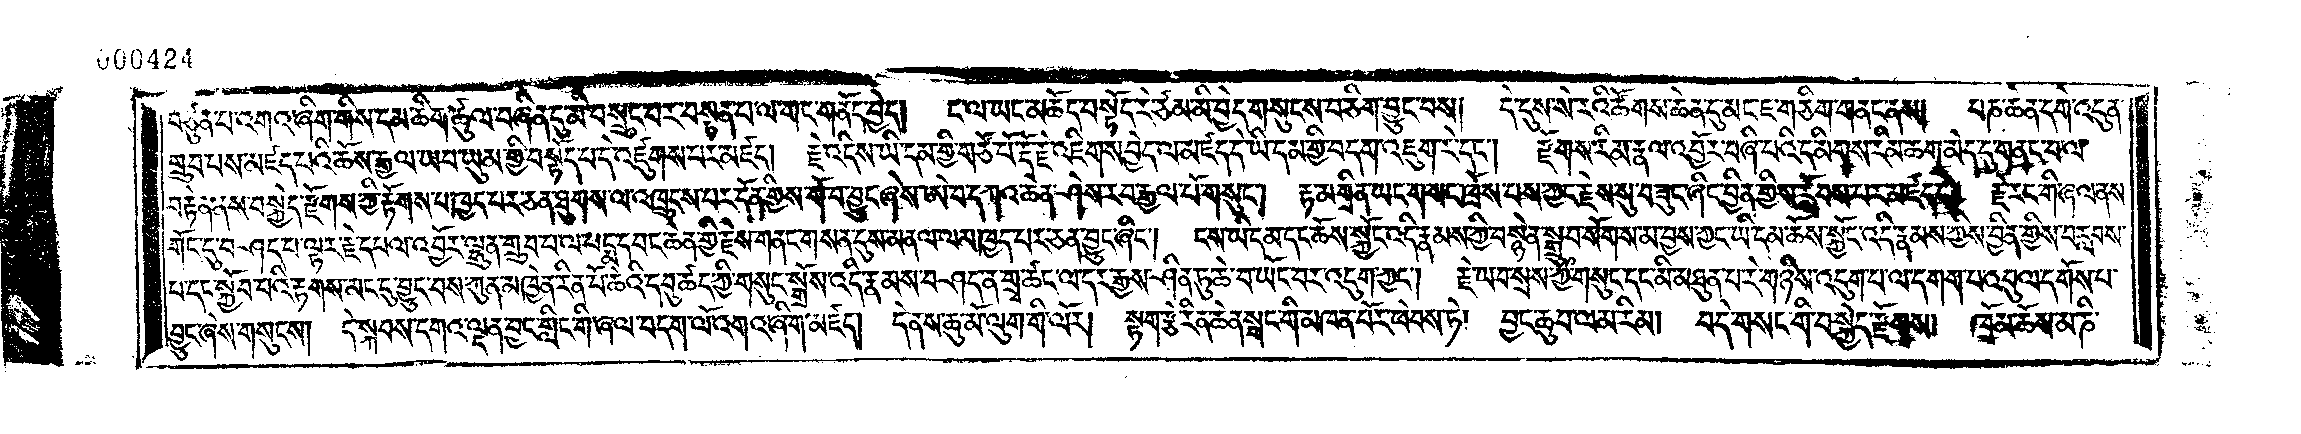བཙུན་པ་འགའ་ཞིག་གིས་དམ་ཚིག་ཚུལ་བཞིན་དུ་མི་བསྲུང་བར་བསྟན་པ་ལ་གནང་གནོད་བྱེད། ང་ལ་ཡང་མཆོད་བསྟོད་རེ་ཙམ་མི་བྱེད་གསུངས་པ་ཅིག་བྱུང་བས། དེ་དུས་སེ་རའི་ཚོགས་ཆེན་དུ་མང་ཇ་གཅིག་གནང་ནས། པཎ་ཆེན་དགེ་འདུན་
གྲུབ་པས་མཛད་པའི་ཆོས་རྒྱལ་ཡབ་ཡུམ་གྱི་བསྟོད་པ་དེ་འཛུགས་པར་མཛད། རྗེ་འདིས་ཡི་དམ་གྱི་གཙོ་བོ་རྡོ་རྗེ་འཇིགས་བྱེད་ལ་མཛད་དེ་ཡི་དམ་གྱི་བདག་འཇུག་རེ་དང་། རྫོགས་རིམ་རྣལ་འབྱོར་བཞི་པའི་དམིགས་རིམ་ཆག་མེད་དུ་གནང་བ་ལ་
བརྟེན་ནས་བསྐྱེད་རྫོགས་ཀྱི་རྟོགས་པ་ཁྱད་པར་ཅན་ཐུགས་ལ་འཁྲུངས་པར་དོན་གྱིས་གོ་བ་བྱུང་ཞེས་ཨེ་བ་དཀའ་ཆེན་ཤེས་རབ་རྒྱལ་པོ་གསུང་། རྟ་མགྲིན་ཡང་གསང་ཁྲོས་པས་ཀྱང་རྗེས་སུ་བཟུང་ཞིང་བྱིན་གྱིས་རློབས་པར་མཛད་དེ། རྗེ་རང་གི་ཞལ་ནས་
གོང་དུ་བཤད་པ་ལྟར་རྗེ་དཔལ་འབྱོར་ལྷུན་གྲུབ་པ་ལ་པདམ་དབང་ཆེན་གྱི་རྗེས་གནང་གསན་དུས་མནལ་ལམ་ཁྱད་པར་ཅན་བྱུང་ཞིང་། ངས་ཡི་དམ་དང་ཆོས་སྐྱོང་འདི་རྣམས་ཀྱི་བསྙེན་སྒྲུབ་སོགས་མ་བྱས་ཀྱང་ཡི་དམ་ཆོས་སྐྱོང་འདི་རྣམས་ཀྱིས་བྱིན་གྱིས་བརླབས་
པ་དང་སྐྱོབ་པའི་རྟགས་མང་དུ་བྱུང་བས་ཀུན་མཁྱེན་རིན་པོ་ཆེའི་དབུ་ཚང་ཀྱི་གསུང་སྒྲོས་འདི་རྣམས་བཤད་ན་གྲྭ་ཚང་ལ་དར་རྒྱས་ཤིན་ཏུ་ཆེ་བ་ཡོང་བར་འདུག་ཀྱང་། རྗེ་ཡབ་སྲས་ཀྱྀ་གསུང་དང་མི་མཐུན་པ་རེ་གཉིས་འདུག་པ་ལ་དགག་པ་འབུལ་དགོས་པ་
བྱུང་ཞེས་གསུངས། དེ་སྐབས་དགའ་ལྡན་བྱང་གླིང་གི་ཞལ་བདག་ལོ་འགའ་ཞིག་མཛད། དེ་ནས་ཆུ་མོ་ལུག་གི་ལོར། སྟག་རྩེ་རིན་ཆེན་སྒང་གི་མཁན་པོར་ཕེབས་ཏེ། བྱང་ཆུབ་ལམ་རིམ། བདེ་གསང་གི་བསྐྱེད་རྫོགས། ཁྲོམ་ཆོས་མ་ཎི་